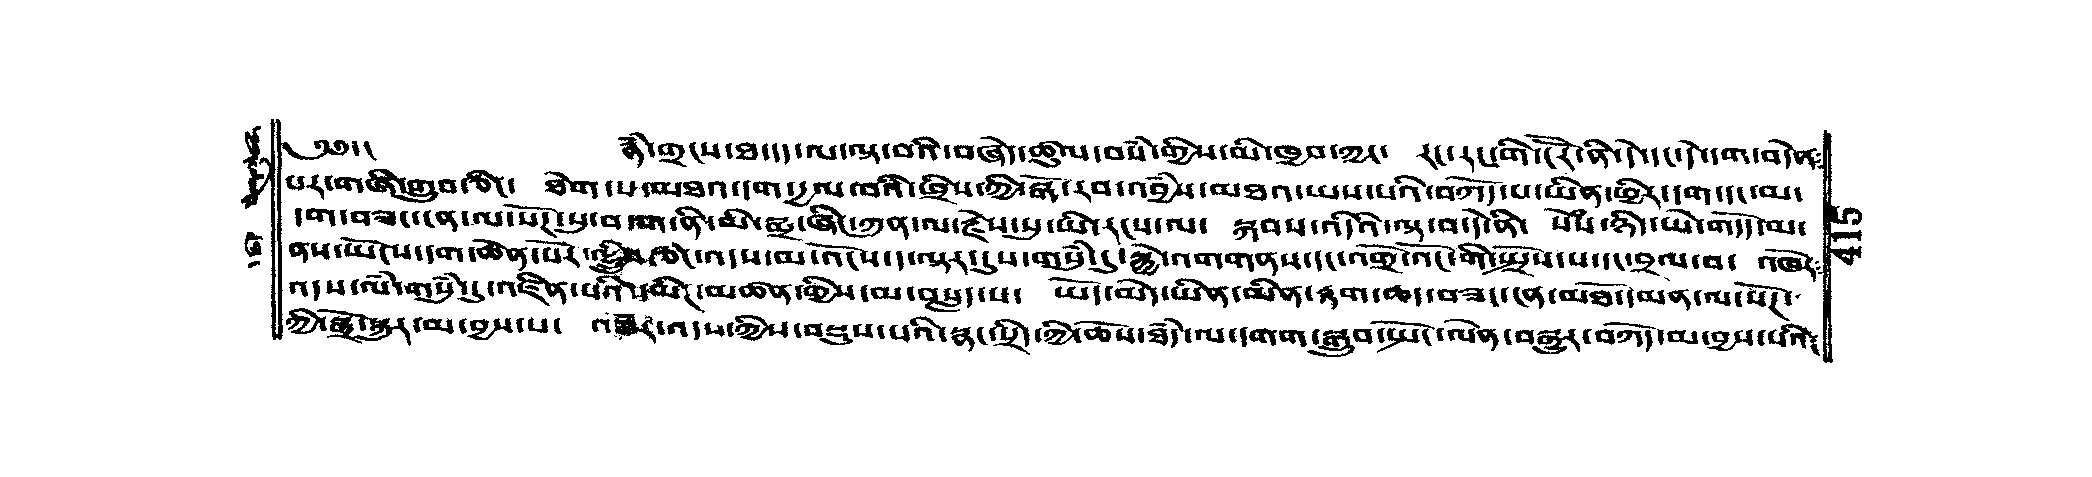རྣམ་གྲངས་ཐ་དད་ལ་ལྟ་བའི་བཞེད་ཚུལ་བསམ་གྱིས་མི་ཁྱབ་ཀྱང་། རང་རང་གི་ངོ་བོར་ནི་དེ་དང་དེ་དག་བདེན་
པར་གཞི་གྲུབ་ཅིང་། ཐེག་པ་མཐའ་དག་རྒྱལ་བའི་ཕྲིན་ལས་ཀྱི་སྒོ་རབ་འབྱམས་མཐའ་ཡས་པའི་བཀོད་པ་ཡིན་ཕྱིར་དག་དང་མ་
དག་བཟང་ངན་ལ་སོགས་སུ་བདག་ནི་མི་སྨྲ་ཞིང་ཀུན་ལ་རྗེས་སུ་ཡི་རང་ལ། སྐབས་འདིའི་ལྟ་བ་དེ་ནི། སེམས་ཉིད་ཡེ་གདོད་མ་
ནས་ཡོངས་དག་ཆེན་པོར་ལྷུན་གྱིས་གྲུབ་ཅིང་འདས་མ་འོངས་ད་ལྟ་དུས་གསུམ་དུ་སྐྱེ་འགག་གནས་དང་འགྲོ་འོང་གི་སྤྲོས་པ་དང་བྲལ་བ། འཁོར་
འདས་ལམ་གསུམ་དུ་འཛིན་པའི་དམིགས་མཚན་གྱིས་མ་བསླད་པ། ཡོད་མེད་ཡིན་མིན་རྟག་ཆད་བཟང་ངན་མཐོ་དམན་ལ་སོགས་
ཀྱི་སྒྲོ་སྐུར་མ་བྱས་པ། འཁོར་འདས་ཀྱིས་བསྡུས་པའི་སྣང་སྲིད་ཀྱི་ཆོས་ཐམས་ཅད་ལ་དགག་སྒྲུབ་སྤོང་ལེན་བསྒྱུར་བཀོད་མ་བྱས་པའི་